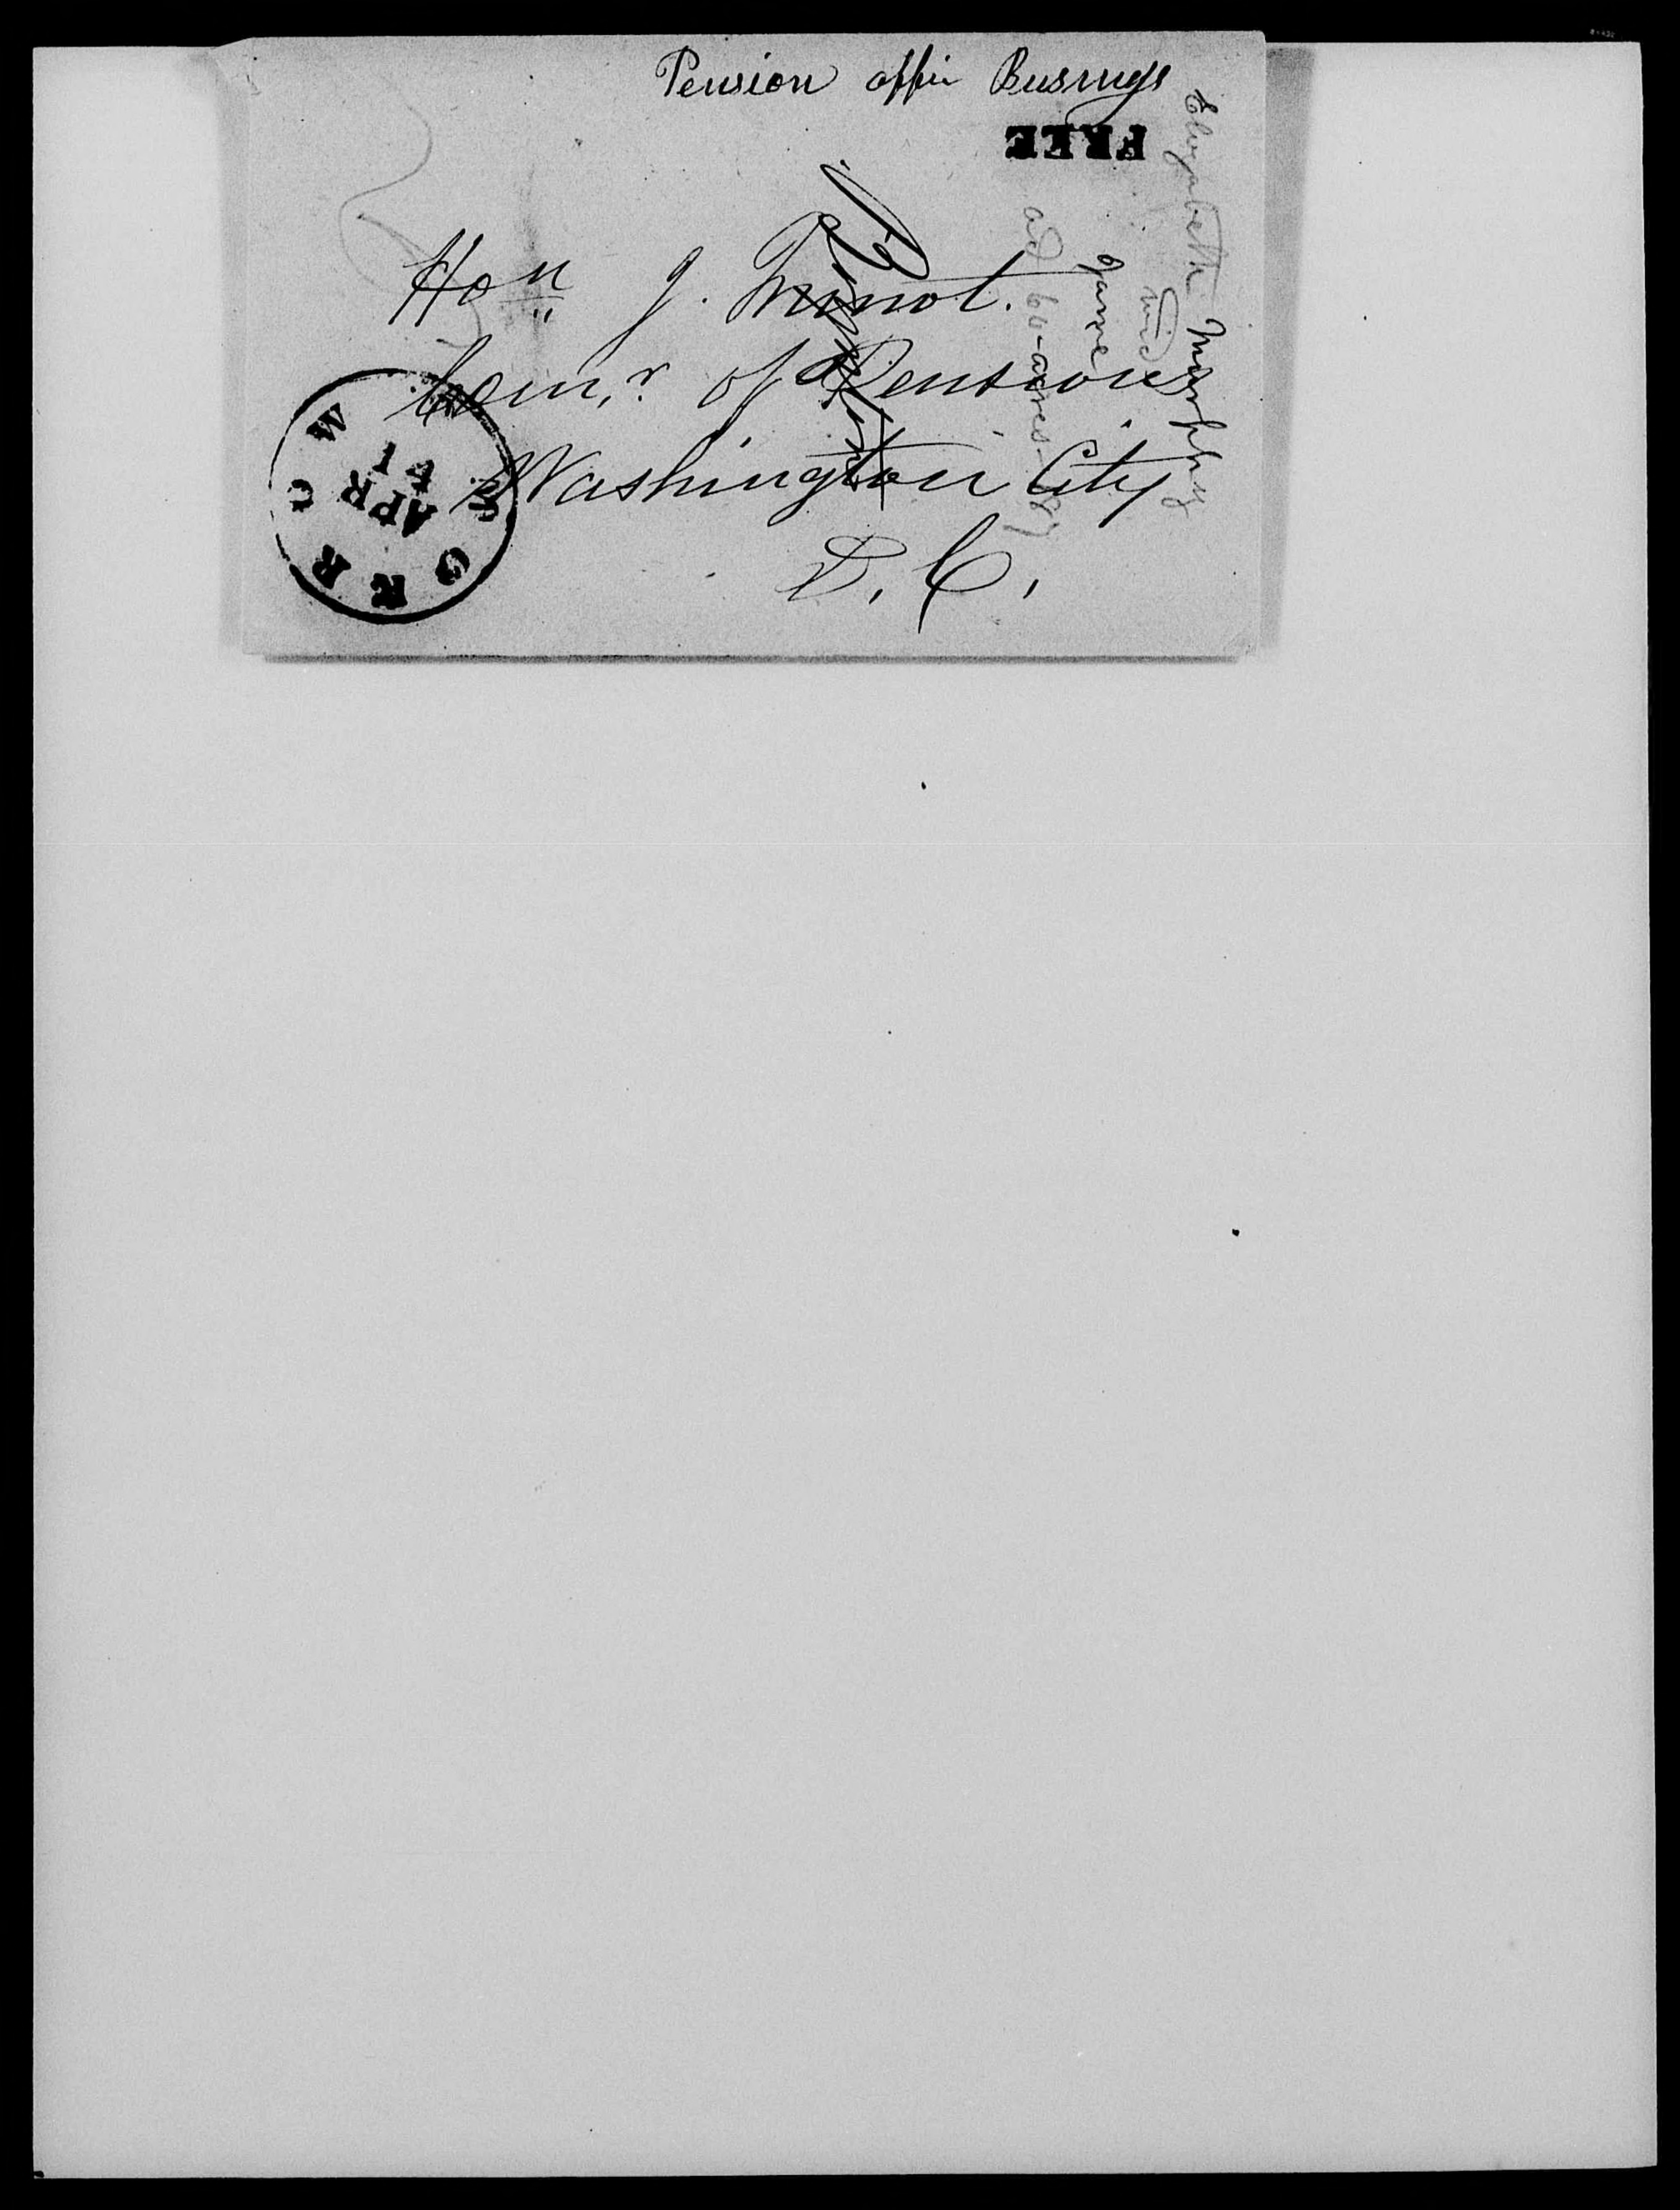Pension office business

Hon J Minot
Comr. of Pensions
Washington City
D.C.

Elizabeth Murphy
wid

ad 60 acres  -  187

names: Jame Murphy; J Minot; [BLANK] Boynton; Elizabeth Murphy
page: 43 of 57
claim: widow's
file: W. 25,739, for James Murphey, Pennsylvania